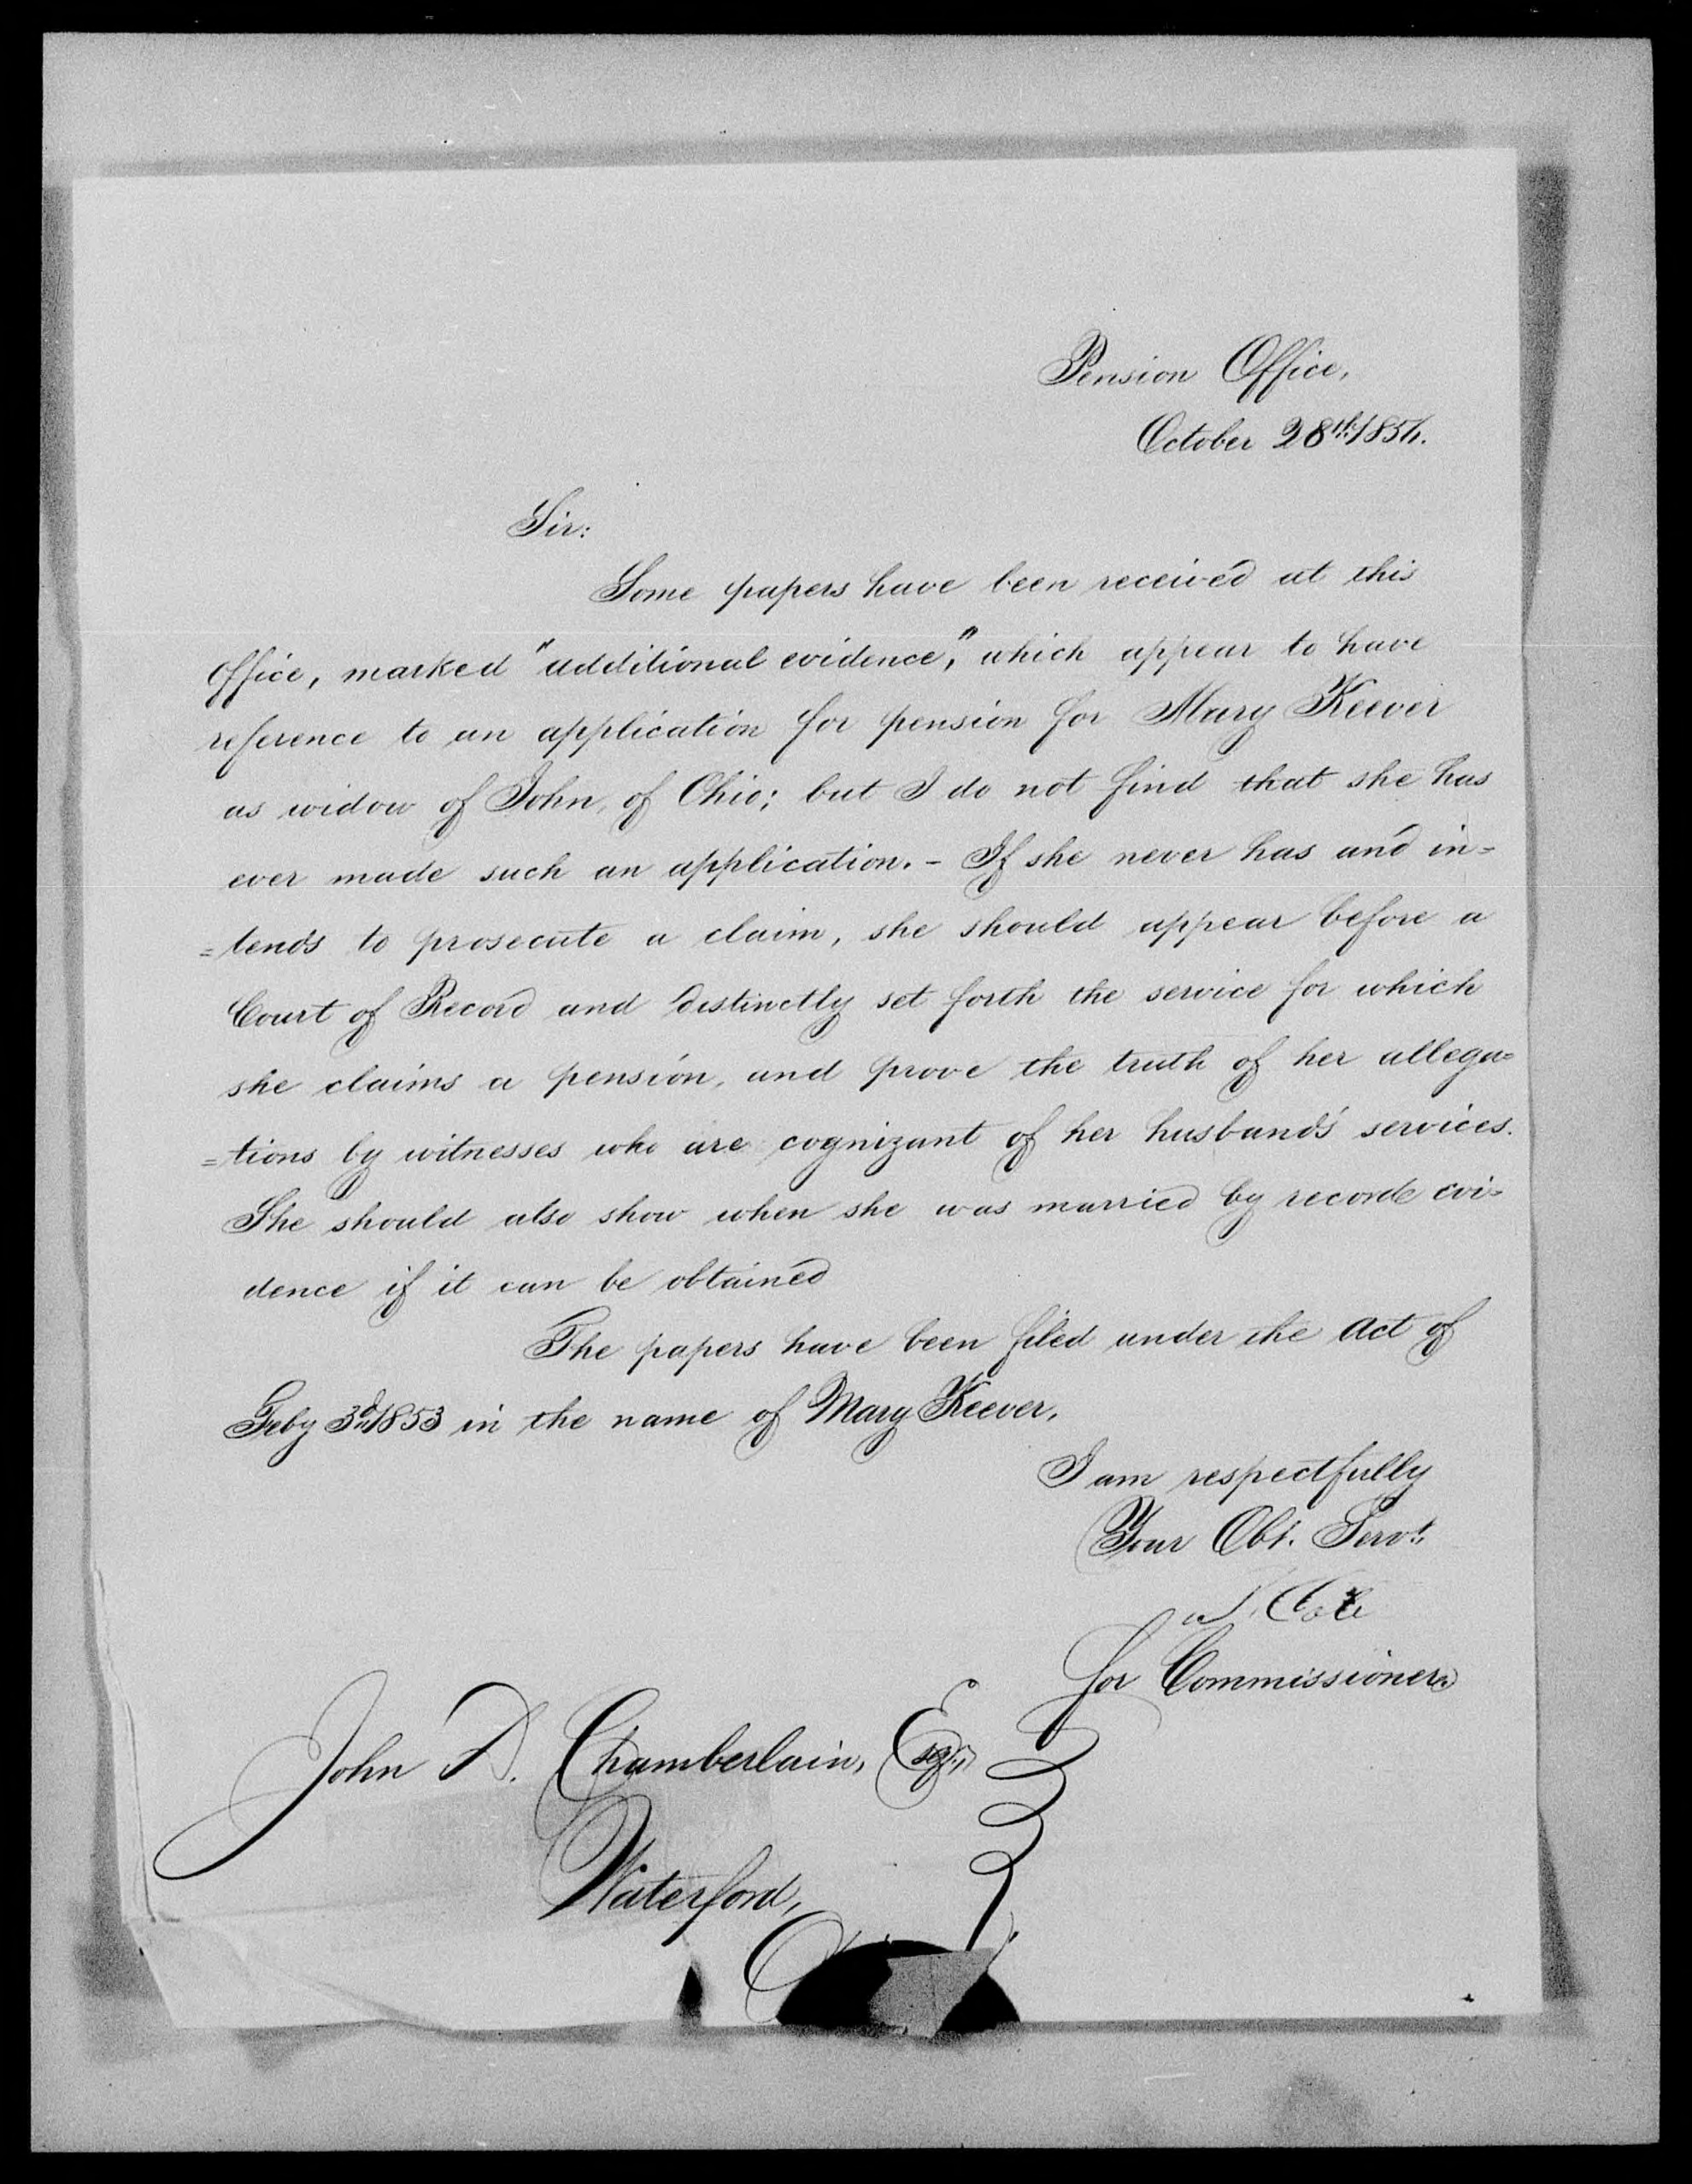Pension Office, 
October 28th 1856. 
Sir:
Some papers have been received at this 
office, marked "additional evidence,” which appear to have 
reference to an application for pension for Mary Keever 
as widow of John of Ohio; but I do not find that she has 
ever made such an application. If she never has and intends
to prosecute a claim, she should appear before a 
Court of Record and distinctly set forth the service for which 
she claims a pension, and prove the truth of her allegations 
by witnesses who are cognizant of her husbands services.
She should also show when she was married by record evidence 
if it can be obtained 
The papers have been filed under the act of Feby 3 1853 in the name of Mary Keever,
 I am respectfully 
Your Obt. Servt
S Cole 
for Commissioner

John D. Chamberlain, Esqr., 
Waterford,
O[hio]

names: S Cole; John [BLANK]; John D Chamberlain; Mary Keever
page: 25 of 33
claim: rejected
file: R. 5814, for John Keever, Maryland